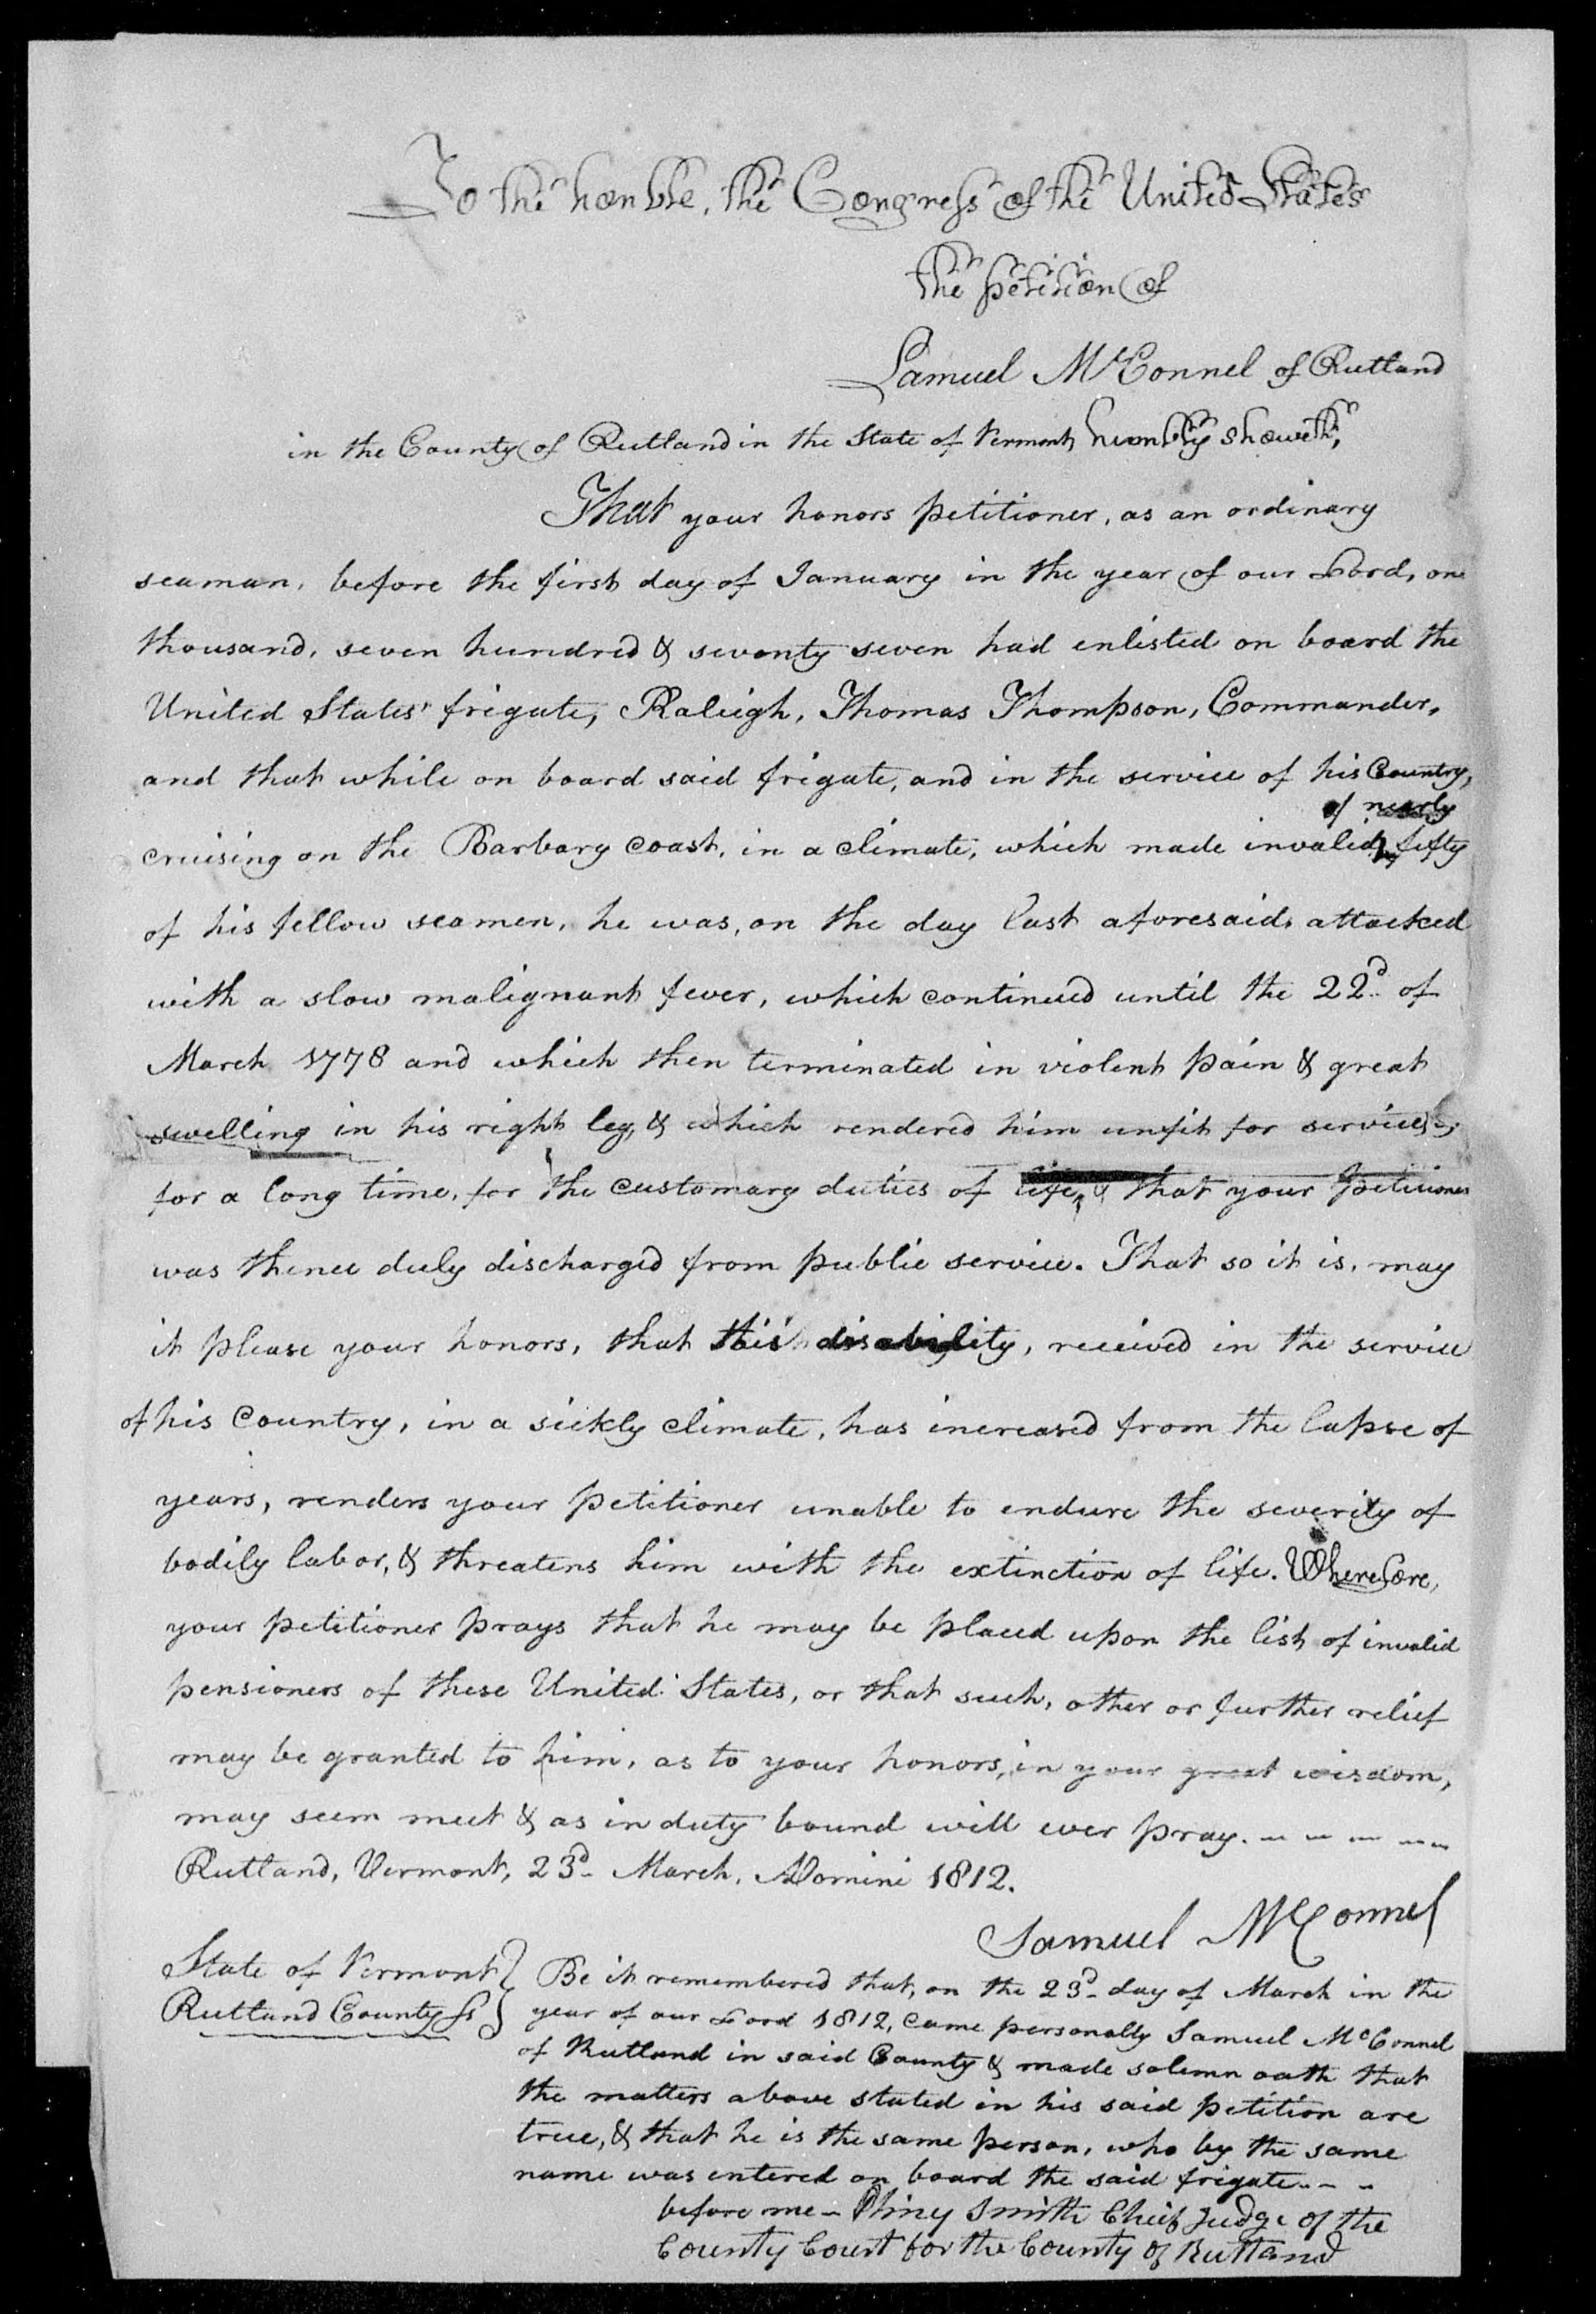To the hon'ble, the Congress of the United States
The petition of Samuel McConnel of Rutland in the County of Rutland in the State of Vermont hon'bly showeth, 
That your honors petitioner, as an ordinary seaman, before the first day of January in the year of our Lord, one thousand, seven hundred & seventy seven had enlisted on board the United States frigate, Raleigh, Thomas Thompson, Commander, and that while on board said frigate, and in the service of his Country, cruising on the Barbary coast, in a climate, which made invalid of nearly fifty of his fellow seamen, he was, on the day last aforesaid attacked with a slow malignant fever, which continued until the 22d of March 1778 and which then terminated in violent pain & great swelling in his right leg, & which rendered him unfit for service, for a long time for the customary duties of life, & that your petitioner was thence duly discharged from public service. That so it is, ay it please your honors, that this disability, received in the service of his country, in a sickly climate, has increased from the lapse of years, renders your petitioner unable to endure the severity of bodily labor, & threatens him with the extinction of life. Wherefore, your petitioner prays that he may be placed upon the list of invalid pensioners of these United States, or that such, other or further relief may be granted to him, as to your honors, in your great wisdom, may seem meet & as in duty bound will ever pray. - 
Rutland, Vermont, 23d March, ADomini 1812.
/s/Samuel McConnel
State of Vermont
Rutland County ss} Be it remembered that, on the 23d of March in the year of our Lord 1812, came personally Samuel McConnel of Rutland in said County & made solemn oath that the matters above stated in his said petition are true, & that he is the same person, who by the same name was entered on board the said frigate - 
before me /s/Pliny Smith 
Chief Judge of the County Court for the County of Rutland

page: 17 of 18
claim: survivor's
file: S. 41,827, for Samuel Mc Connel, Vermont